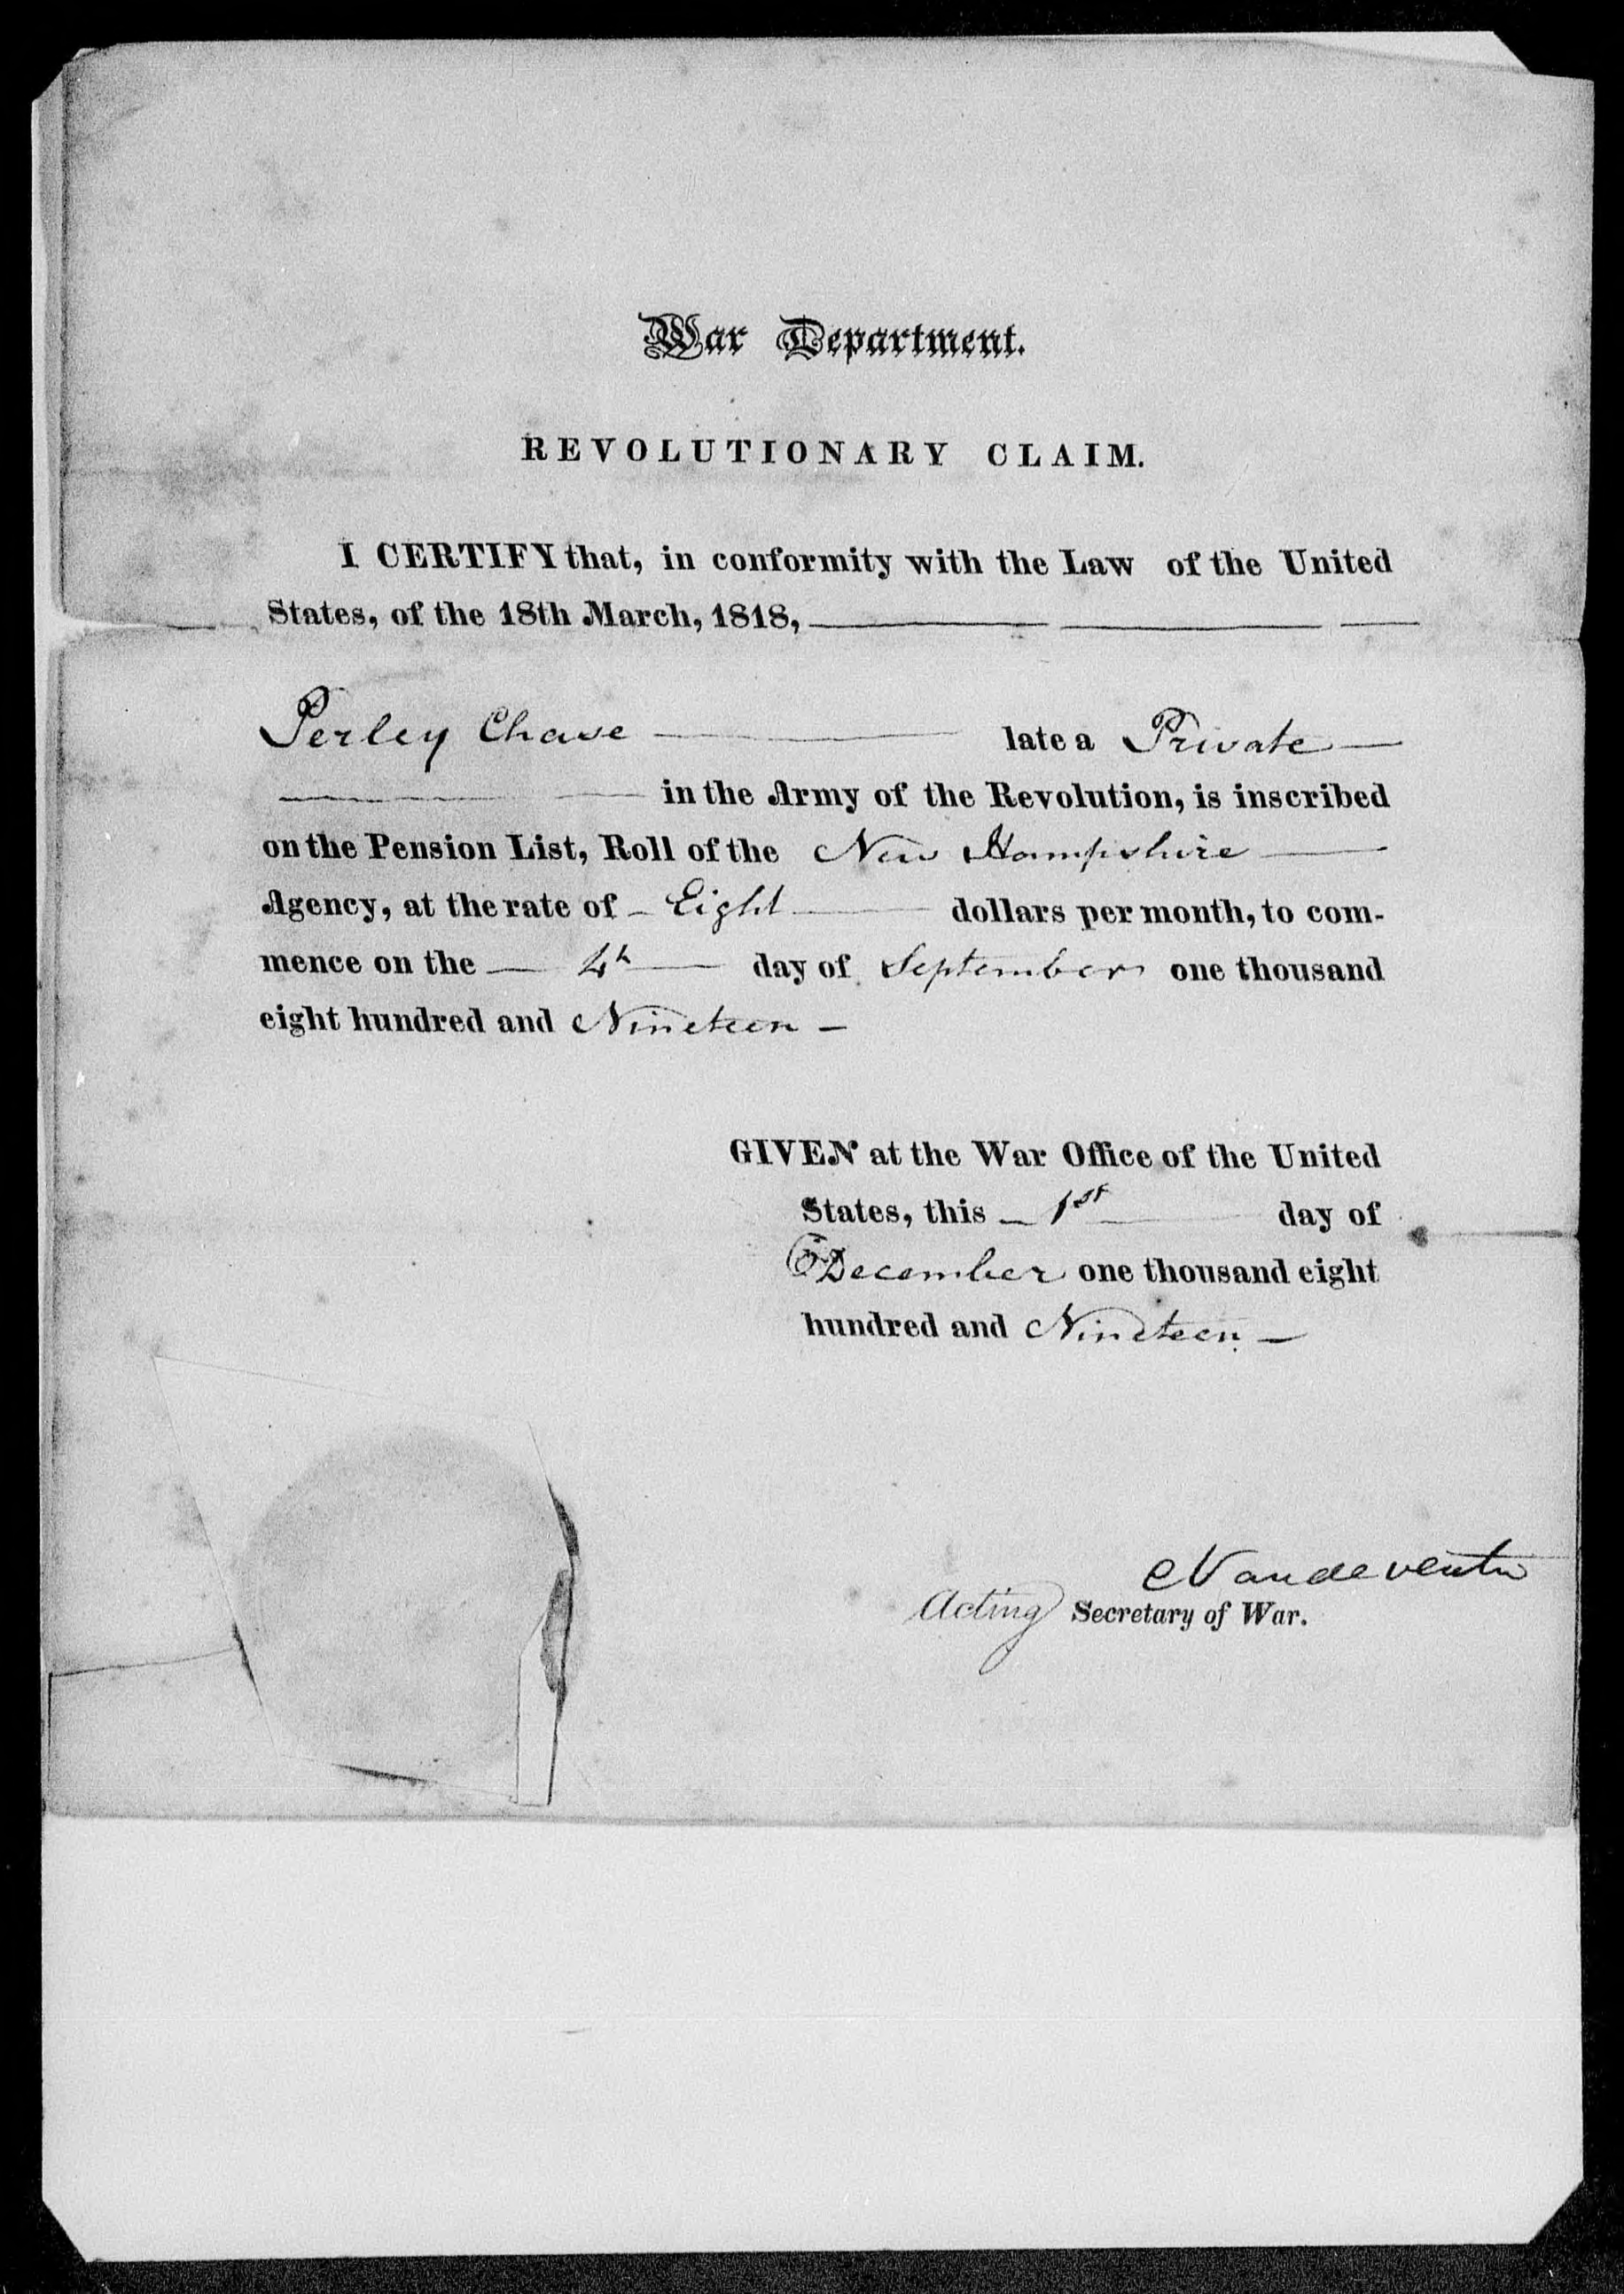War Department
REVOLUTIONARY CLAIM.
I CERTIFY that, in conformity with the Law of the United States,
of the 18th March, 1818,
Perley Chase late a private
in the Army of the Revolution, is inscribed
on the Pension List, Roll of the New Hampshire
Agency, at the rate of Eight dollars per month, to commence
on the 4th day of September one thousand
eight hundred and Nineteen.
GIVEN at the War Office of the United States,
this day of
December one thousand eight
hundred and Nineteen.
Acting Secretary of War
C Vandeventer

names: Perley Chase, C Vandeventer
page: 14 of 24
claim: survivor's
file: S. 17879, Perley Chase, Continental Mass.